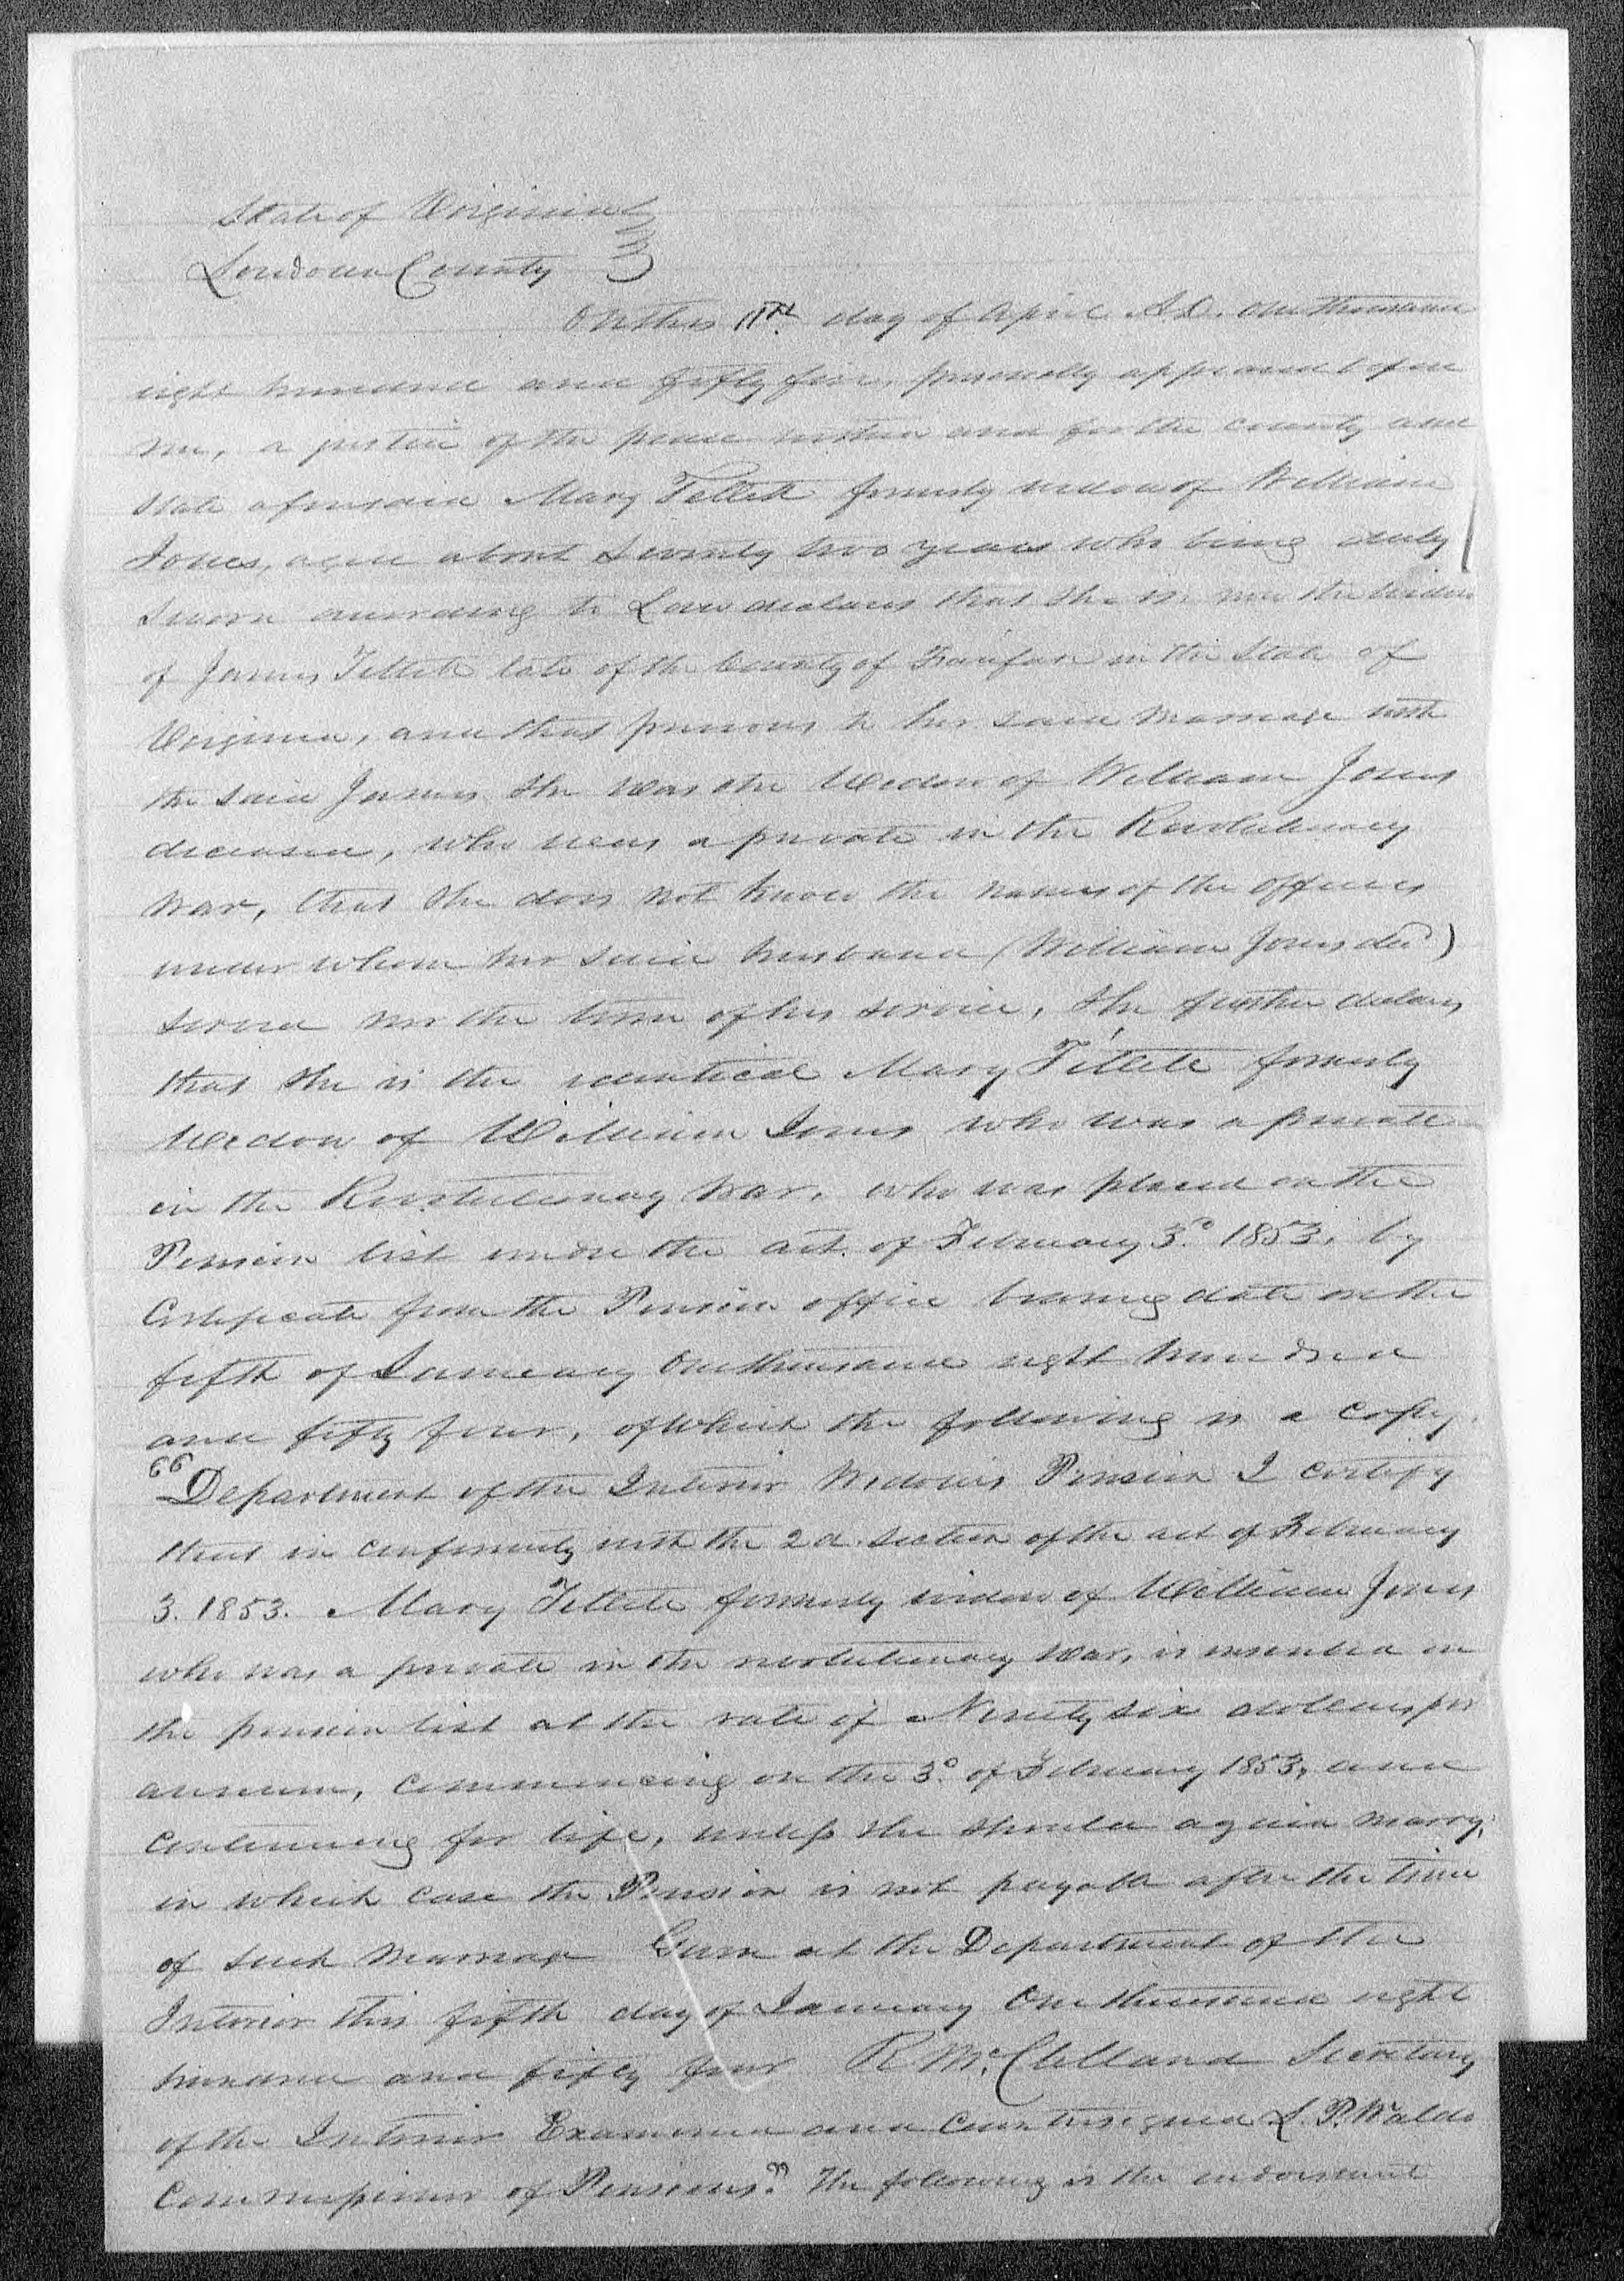State of Virginia
Loudon County }
On this 11th day of April AD one thousand eight hundred and fifty five, personally appeared before me, a justice of the peace within and for the county and state aforesaid Mary Tillett formerly widow if William Jones, and about seventy two years who being duly sworn according to Law declares that she is now the widow of James Tillett late of the county of Fairfax in the state of Virginia, and that previous to her second marriage with the said James, she was the widow of William Jones, deceased, who was a private in the Revolutionary War, that she does not know the names of the officers under whom her said husband (William Jones dec'd) served nor the time of his service. She  further declares that she is the identical Mary Tillett family widow of William Jones who was a private in the Revolutionary War, who was placed on the Pension list under the act of February 3rd 1853, by certificate from the Pension office having doth on the fifth of January one thousand eight hundred and fifty four, of which the following is a copy "Department of the Interior Widow's Pension I certify that in conformity with the 2d section of the act of February 3. 1853. Mary Tillett formerly widow of William Jones who was a private in the revolutionary war, is inscribed on the pension list at the rate of Ninety six dollars per annum, commencing on the 3d of February 1853, and continuing for life, unless she should again marry in which case the Pension is not payable after the time of such marriage. Given at the Department of the Interior this fifth day of January one thousand eight hundred and fifty four R McClelland Secretary of the Interior Examined and countersigned L.P. Waldo Commissioner of Pensions." The following is the endorsement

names: Mary Tellett; James Tellett; R Mc Clelland; L P Waldo; William Jones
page: 6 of 39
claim: widow's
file: W 6292, for William Jones, Maryland